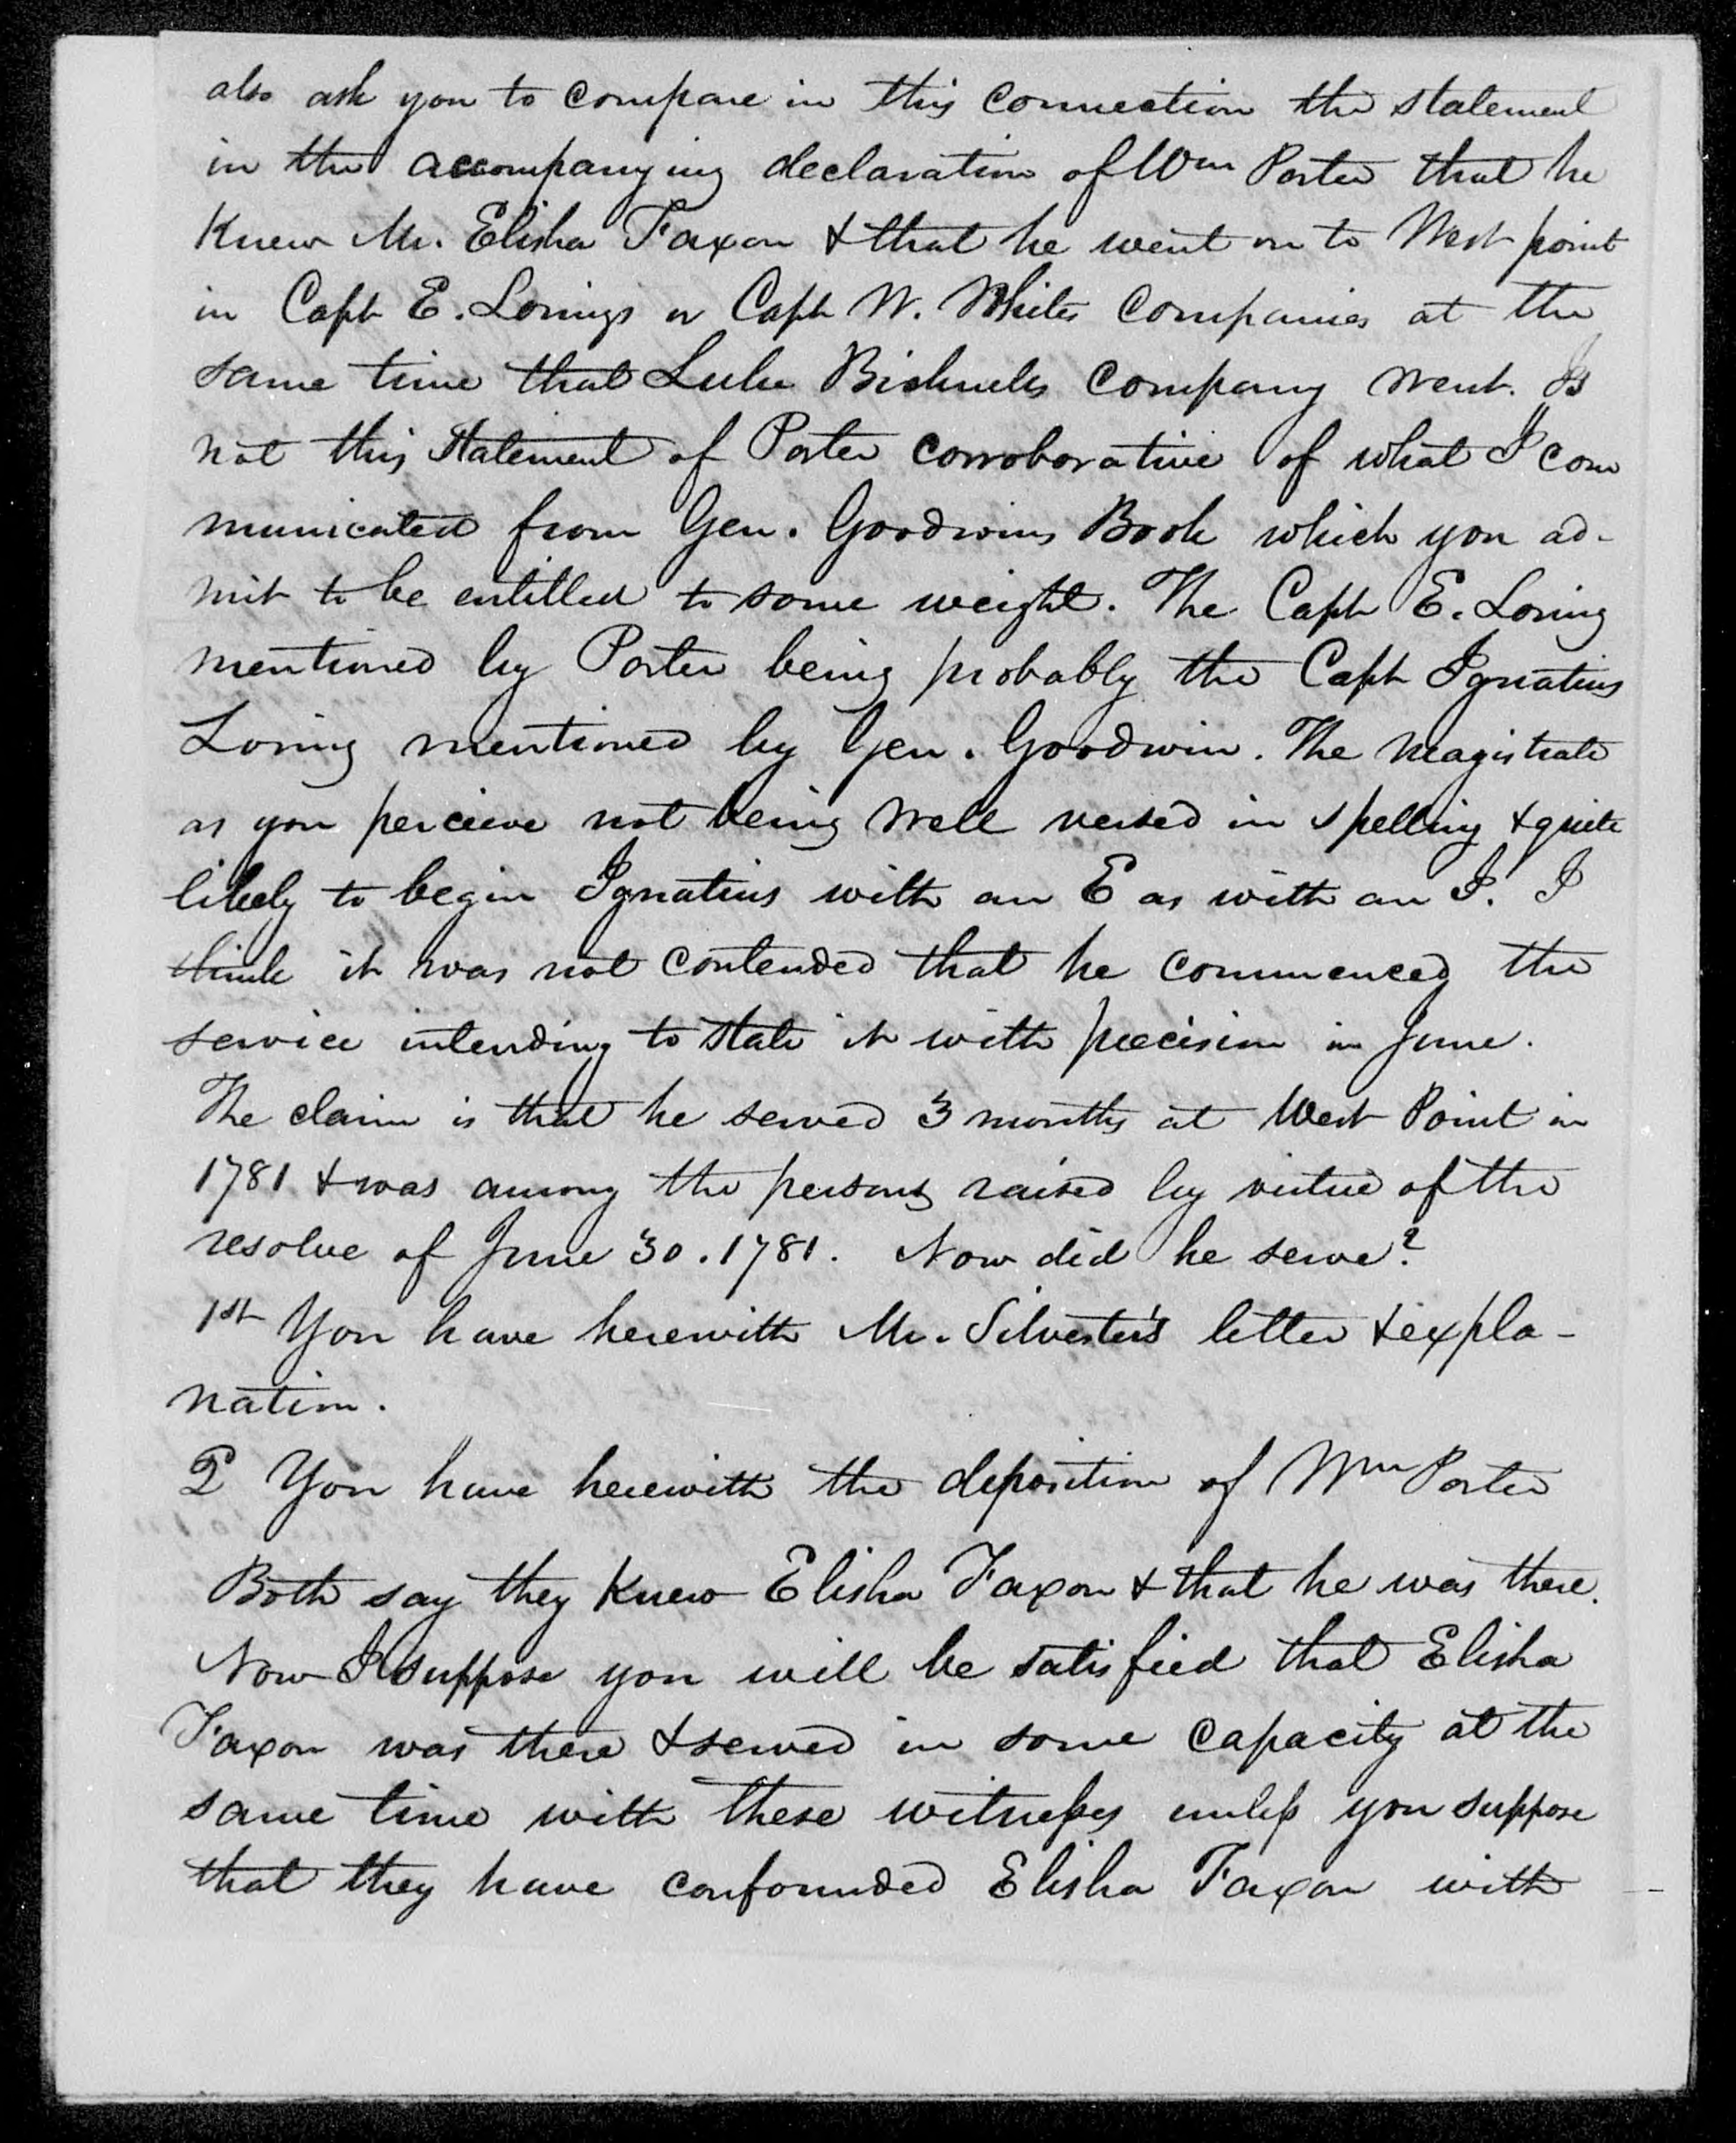also ask you to compare in this connection the statement in the accompanying declaration of Wm Porter that he knew Mr. Elisha Faxon & that he went on to West Point in Capt E. Lovings or Capt W. Whites companies at the same time that Luke Bishnels company went. Is not this statement of Porter corroborative of what I communicated from Gen Goodwins Book which you admit to be entitled to some weight. The Capt E. Loving mentioned by Porter being probably the Capt Ignatius Loving mentioned by Gen. Goodwin. The magistrate as you perceive not being well versed in spelling & quite likely to begin Ignatius with an E as with an I. I think it was not contended that he commenced the service intending to state it with precision in June. The claim is that he served 3 months at West Point in 1781 & was among the persons raised by virtue of the resolve of June 30. 1781. Now did he serve? 
1st You have herewith Mr. Silvester's letter & explanation.
2d You have herewith the deposition of Wm Porter Both say they knew Elisha Faxon & that he was there. Now I suppose you will be satisfied that Elisha Faxon was there & served in some capacity at the same time with these  witnesses unless you suppose that they have confounded Elisha Faxon with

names: Wm Porter, Elisha Faxon, E Loving, Wm Porter, Porter, Goodwin, Elisha Faxon, Ignatius Loving, Goodwin, Elisha Faxon, Silvester, Elisha Faxon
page: 28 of 47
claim: widow's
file: W. 14703, Elisha Faxon, Mass